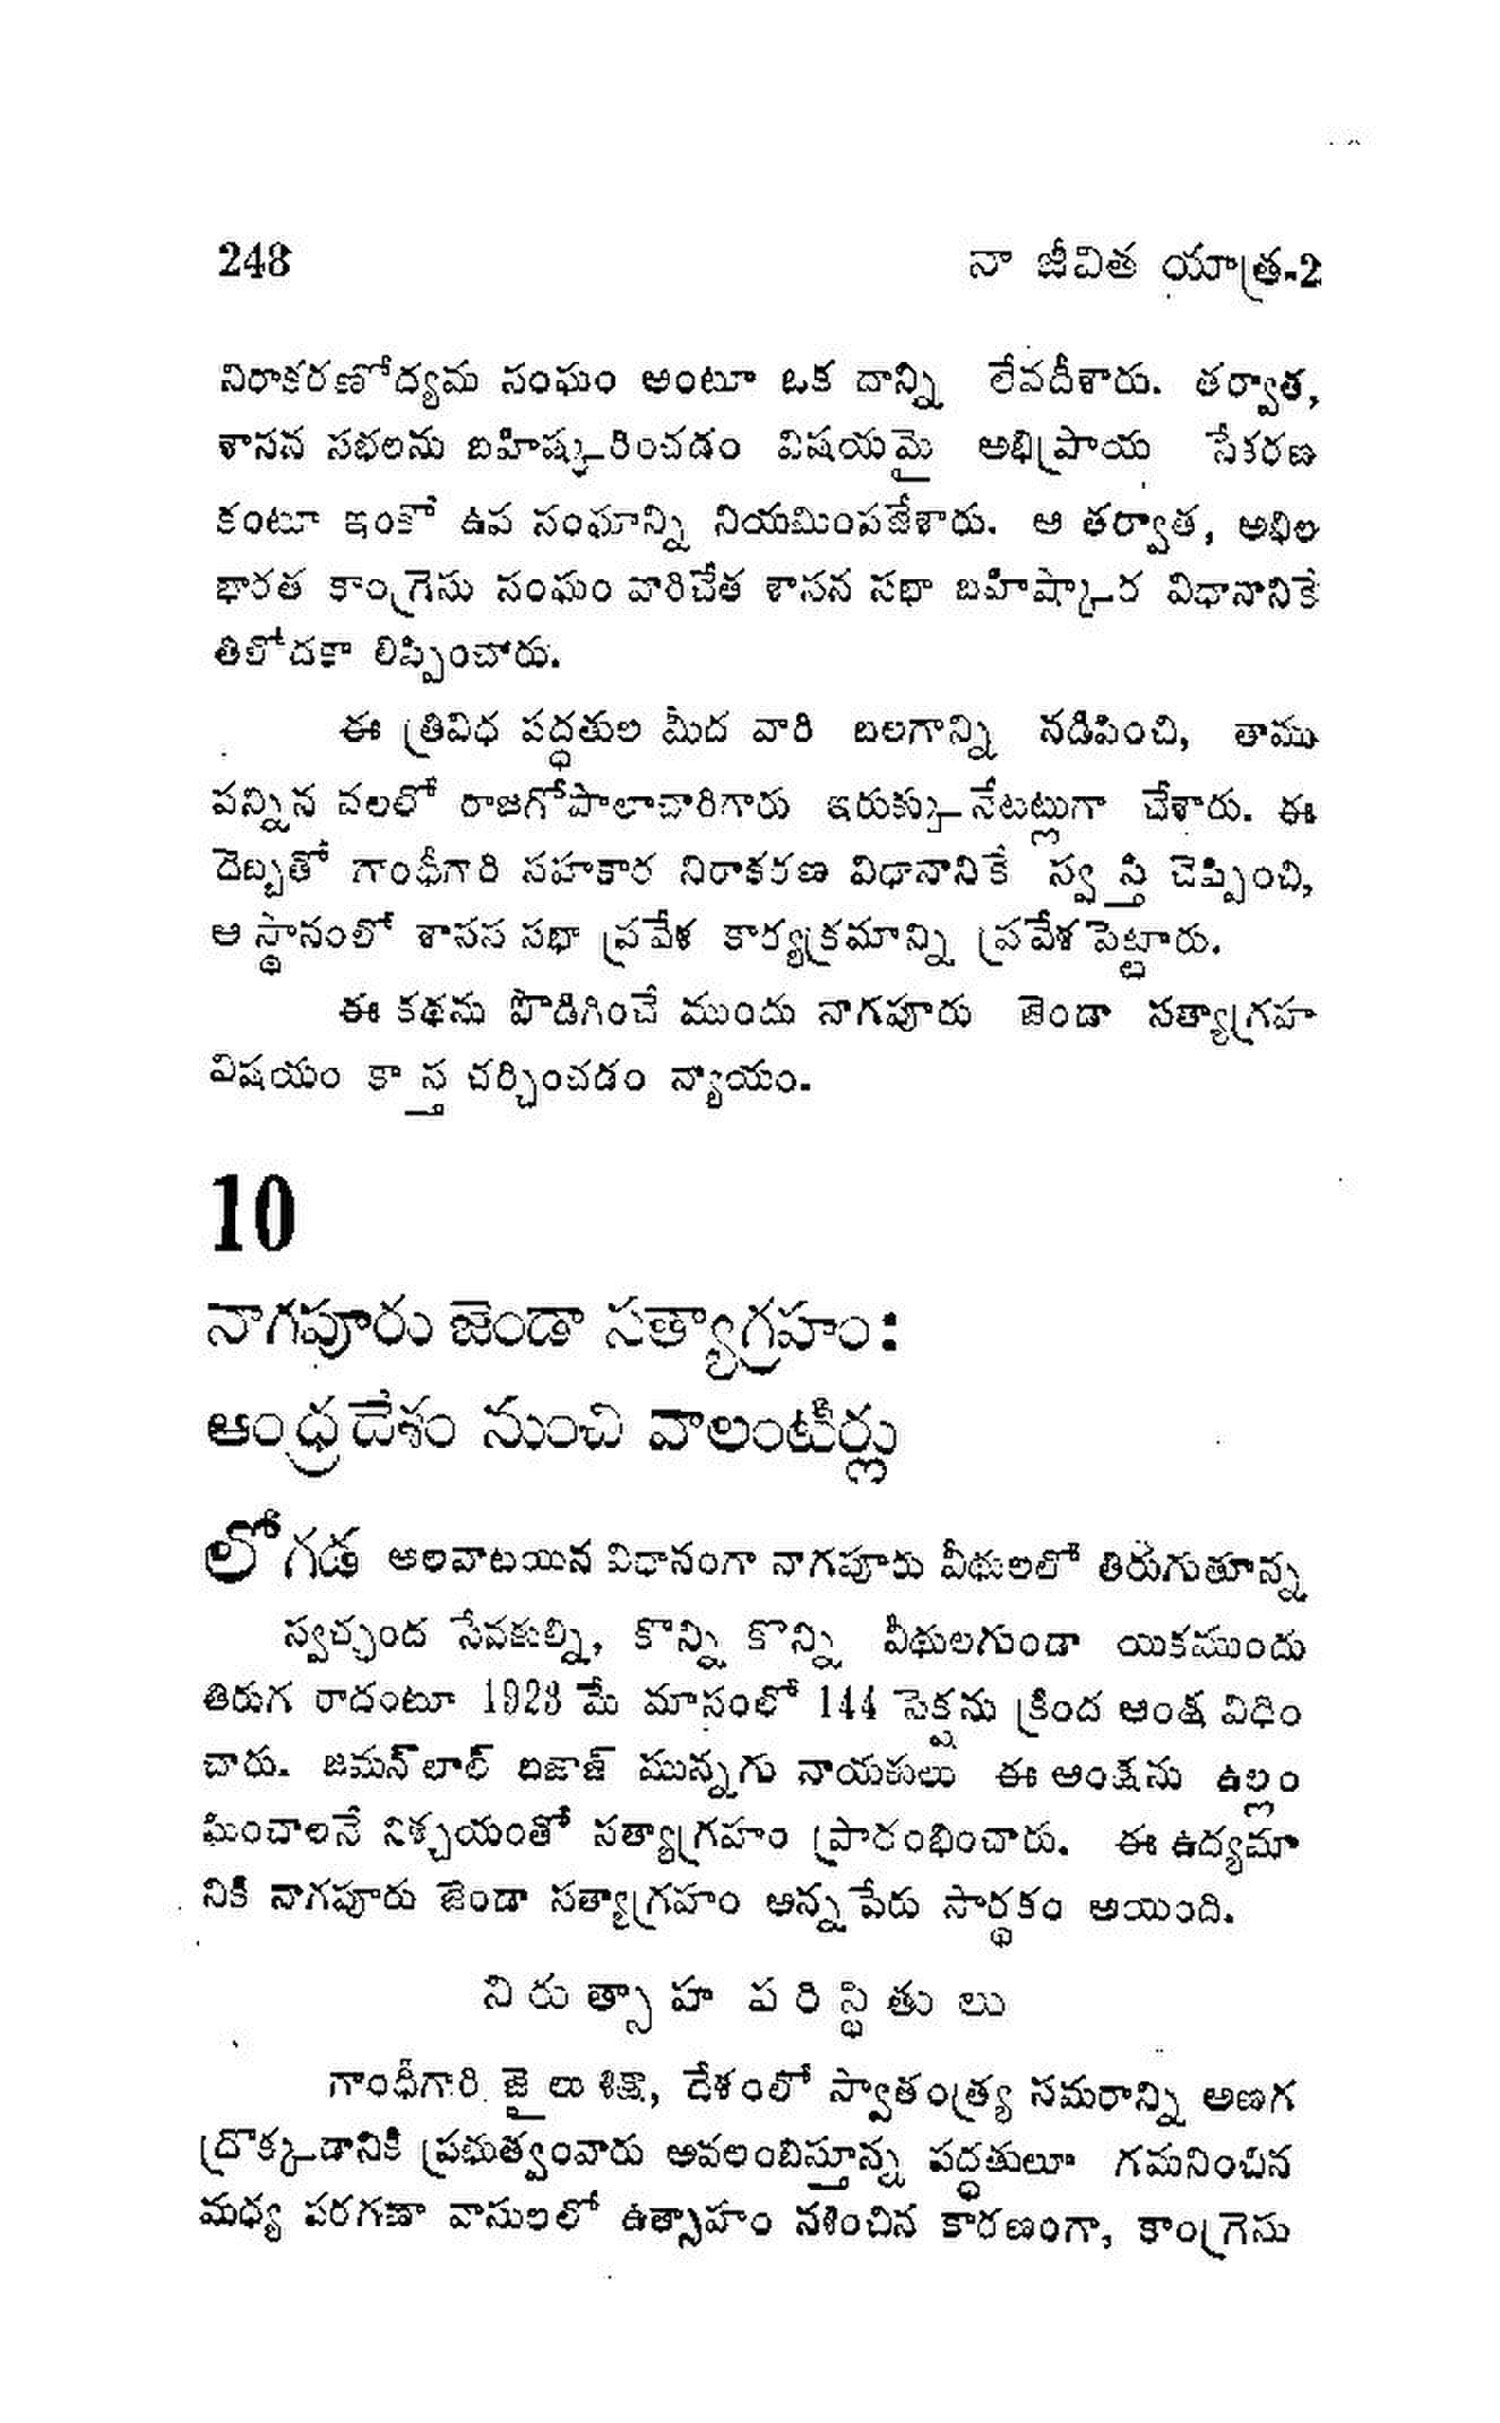నిరాకరణోద్యమ సంఘం అంటూ ఒక దాన్ని లేవదీశారు. తర్వాత, శాసన సభలను బహిష్కరించడం విషయమై అభిప్రాయ సేకరణ కంటూ ఇంకో ఉప సంఘాన్ని నియమింపజేశారు. ఆ తర్వాత, అఖిల భారత కాంగ్రెసు సంఘం వారిచేత శాసన సభా బహిష్కార విధానానికే తిలోదకా లిప్పించారు.

ఈ త్రివిధ పద్ధతుల మీద వారి బలగాన్ని నడిపించి, తాము పన్నిన వలలో రాజగోపాలాచారిగారు ఇరుక్కునేటట్లుగా చేశారు. ఈ దెబ్బతో గాంధీగారి సహకార నిరాకరణ విధానానికే స్వస్తి చెప్పించి, ఆ స్థానంలో శాసన సభా ప్రవేశ కార్యక్రమాన్ని ప్రవేశపెట్టారు.

ఈ కథను పొడిగించే ముందు నాగపూరు జెండా సత్యాగ్రహ విషయం కాస్త చర్చించడం న్యాయం

లోగడ అలవాటయిన విధానంగా నాగపూరు వీథులలో తిరుగుతూన్న స్వచ్చంద సేవకుల్ని, కొన్ని కొన్ని వీథులగుండా యికముందు తిరుగ రాదంటూ 1923 మే మాసంలో 144 సెక్షను క్రింద ఆంక్ష విధించారు. జమన్ లాల్ బజాజ్ మున్నగు నాయకులు ఈ ఆంక్షను ఉల్లంఘించాలనే నిశ్చయంతో సత్యాగ్రహం ప్రారంభించారు. ఈ ఉద్యమానికి నాగపూరు జెండా సత్యాగ్రహం అన్నపేరు సార్థకం అయింది.

గాంధీగారి జైలుశిక్షా, దేశంలో స్వాతంత్ర్య సమరాన్ని అణగ ద్రొక్కడానికి ప్రభుత్వంవారు అవలంబిస్తూన్న పద్ధతులూ గమనించిన మధ్య పరగణా వాసులలో ఉత్సాహం నశించిన కారణంగా, కాంగ్రెసు